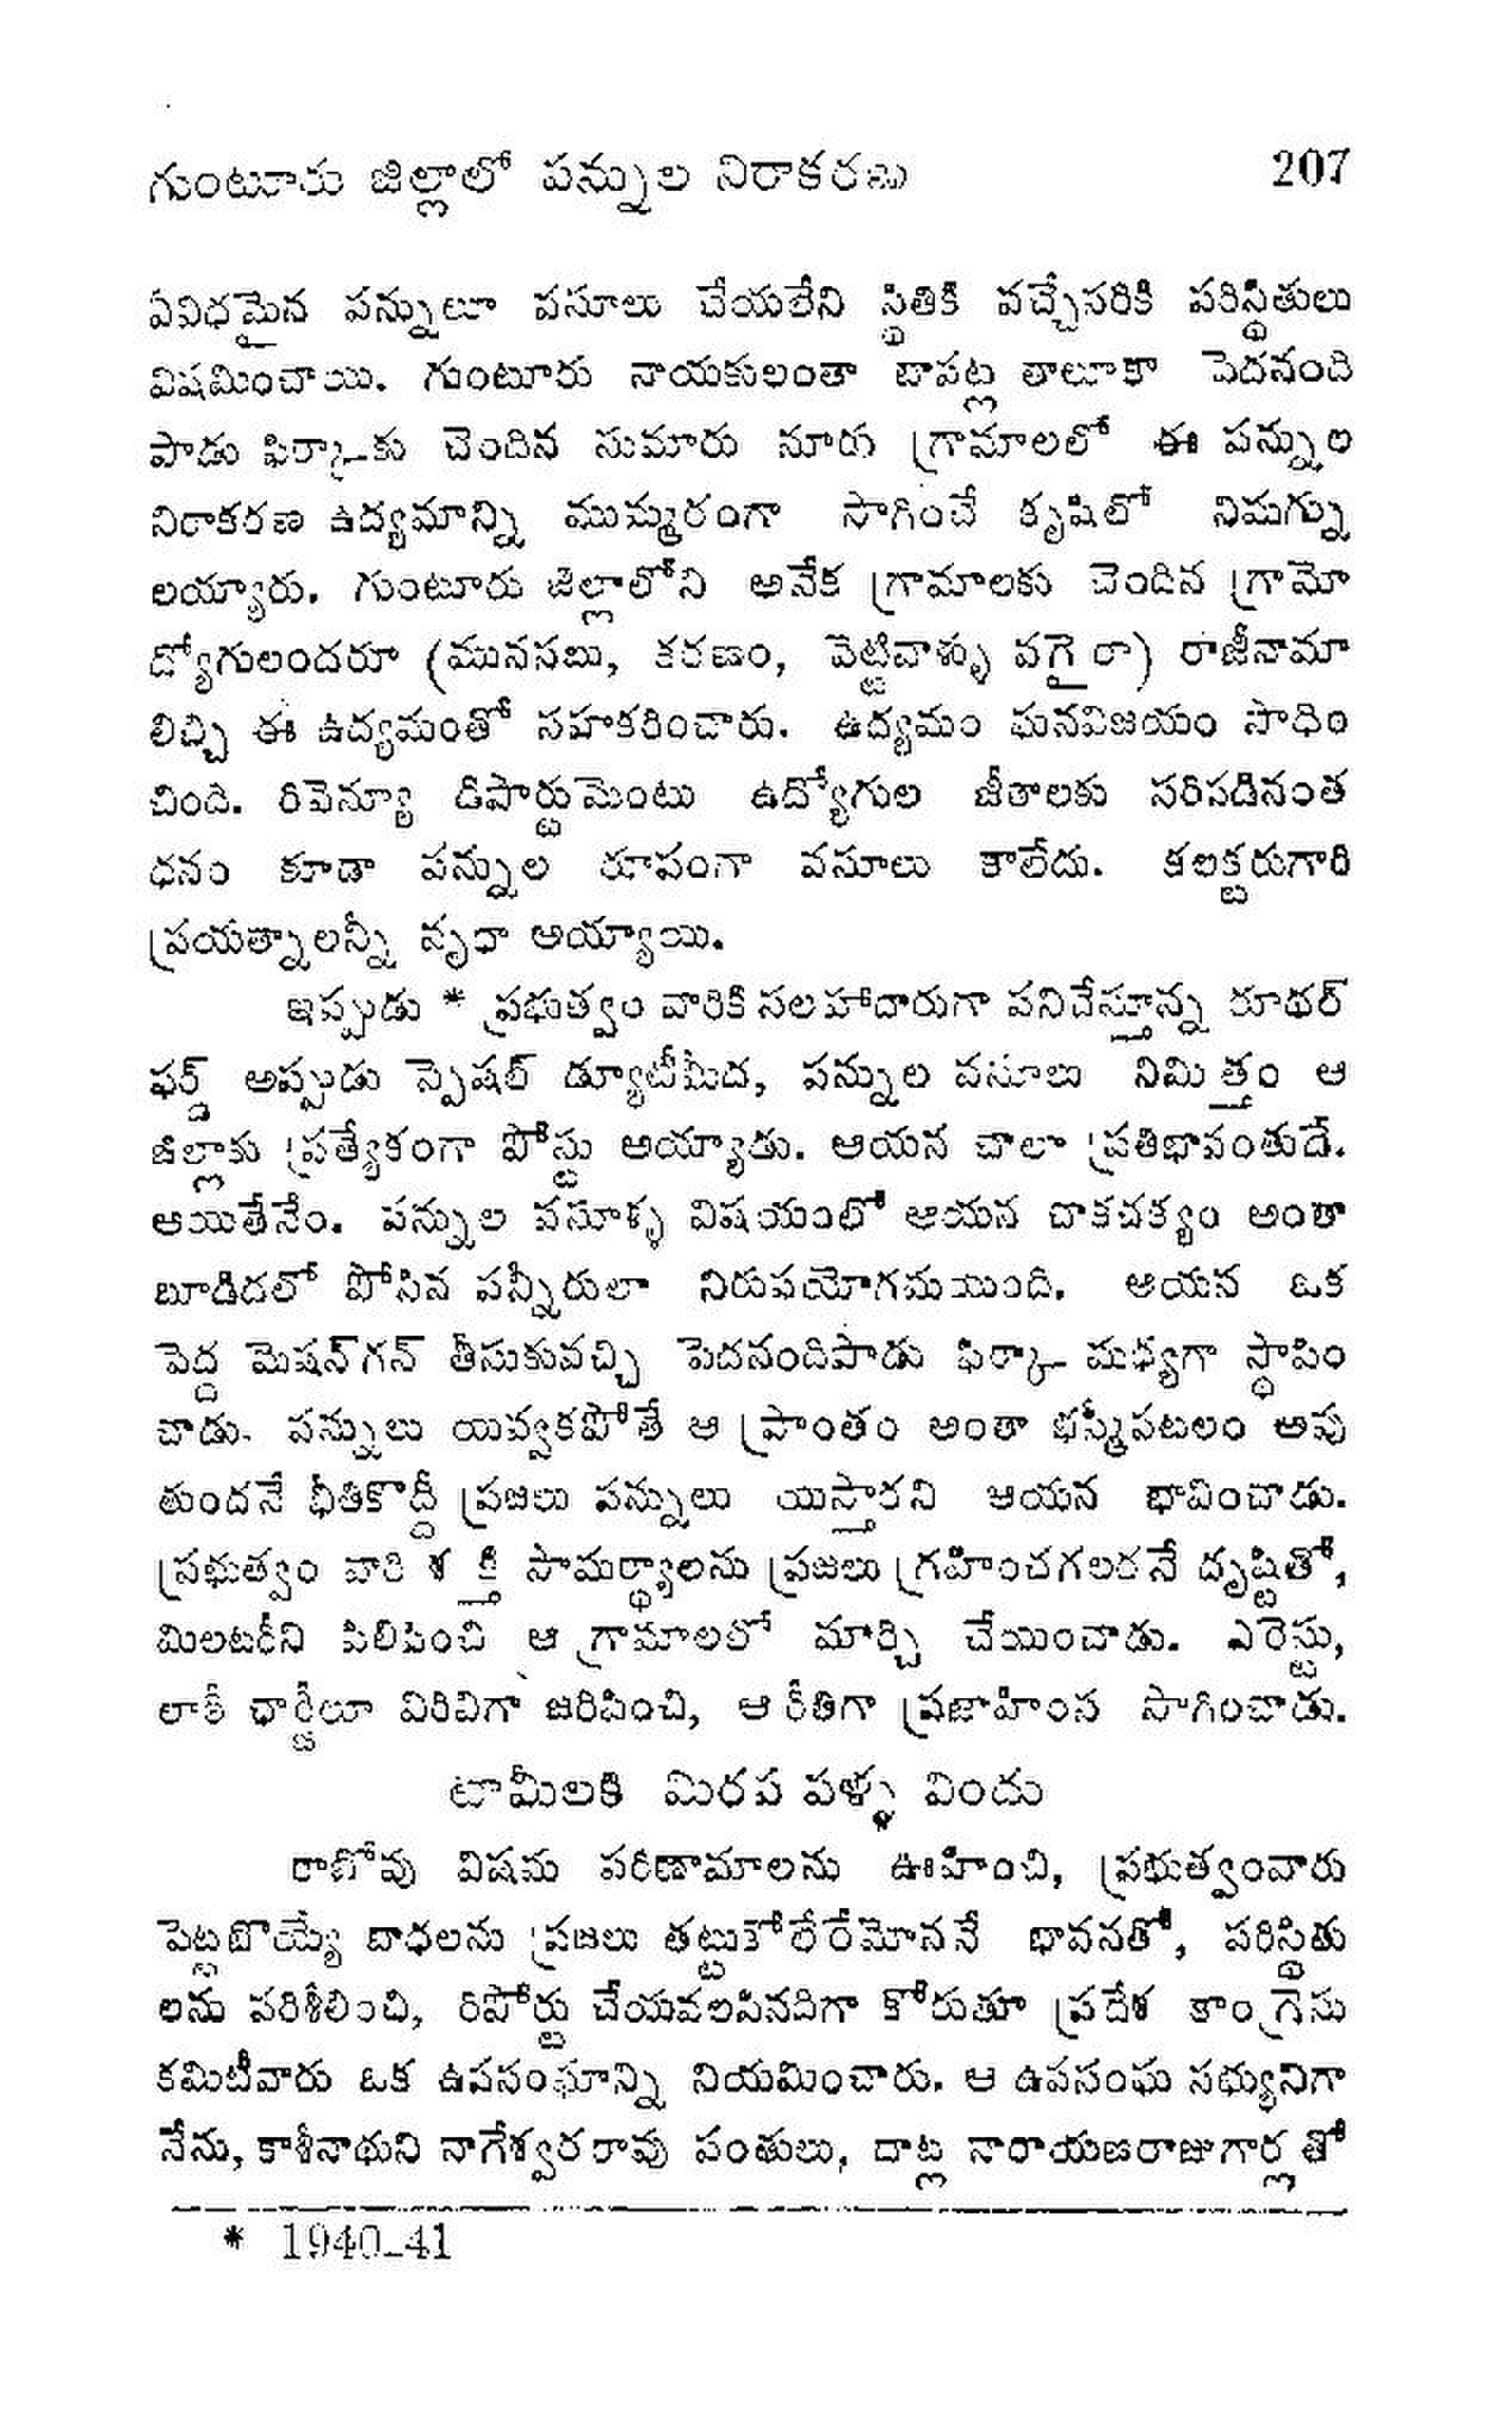ఏవిధమైన పన్నులూ వసూలు చేయలేని స్థితికి వచ్చేసరికి పరిస్థితులు విషమించాయి. గుంటూరు నాయకులంతా బాపట్ల తాలూకా పెదనందిపాడు ఫిర్కాకు చెందిన సుమారు నూరు గ్రామాలలో ఈ పన్నుల నిరాకరణ ఉద్యమాన్ని ముమ్మరంగా సాగించే కృషిలో నిమగ్నులయ్యారు. గుంటూరు జిల్లాలోని అనేక గ్రామాలకు చెందిన గ్రామోద్యోగులందరూ (మునసబు, కరణం, వెట్టివాళ్ళు వగైరా) రాజినామాలిచ్చి ఈ ఉధ్యమంలో సహకరించారు. ఉధ్యమం ఘనవిజయం సాధించింది. రివెన్యూ డిపార్టుమెంటు ఉద్యోగుల జీతాలకు సరిపడినంత ధనం కూడా పన్నుల రూపంగా వసూలు కాలేదు. కలక్టరుగారి ప్రయత్నాలన్నీ వృధా అయ్యాయి.

ఇప్పుడుప్రభుత్వం వారికి సలహాదారుగా పనిచేస్తూన్న రూథర్‌ఫర్డ్ అప్పుడు స్పెషల్ డ్యూటీమీద, పన్నుల వసూలు నిమిత్తం ఆ జిల్లాకు ప్రత్యేకంగా పోస్టు అయ్యాడు. ఆయన చాలా ప్రతిభావంతుడే. అయితేనేం. పన్నుల వసూళ్ళ విషయంలో ఆయన చాకచక్యం అంతా బూడిదలో పోసిన పన్నీరులా నిరుపయోగమయింది, ఆయన ఒక పెద్ద మెషన్‌గన్ తీసుకవచ్చి పెదనందిపాడు ఫిర్కా మధ్యగా స్థాపించాడు. పన్నులు యివ్వకపోతే ఆ ప్రాంతం అంతా భస్మీపటలం అవుతుందనే భీతికొద్దీ ప్రజలు పన్నులు యిస్తారని ఆయన భావించాడు. ప్రభుత్వం వారి శక్తి సామర్థ్యాలను ప్రజలు గ్రహించగలరనే దృష్టితో, మిలటరీని పిలిపించి ఆ గ్రామాలలో మార్చి చేయించాడు. ఎరెస్టు, లాఠీ ఛార్జీలూ విరివిగా జరిపించి, ఆ రీతిగా ప్రజాహింస సాగించాడు.

రాబోవు విషమ పరిణామాలను ఊహించి, ప్రభుత్వంవారు పెట్టబొయ్యే బాధలను ప్రజలు తట్టుకోలేరేమోననే భావనతో, పరిస్థితులను పరిశీలించి, రిపోర్టు చేయవలసినదిగా కోరుతూ ప్రదేశ కాంగ్రెసు కమిటీవారు ఒక ఉపసంఘాన్ని నియమించారు. ఆ ఉపసంఘ సభ్యునిగా నేనూ, కాశీనాథుని నాగేశ్వరరావు పంతులు, దాట్ల నారాయణరాజుగార్లతో